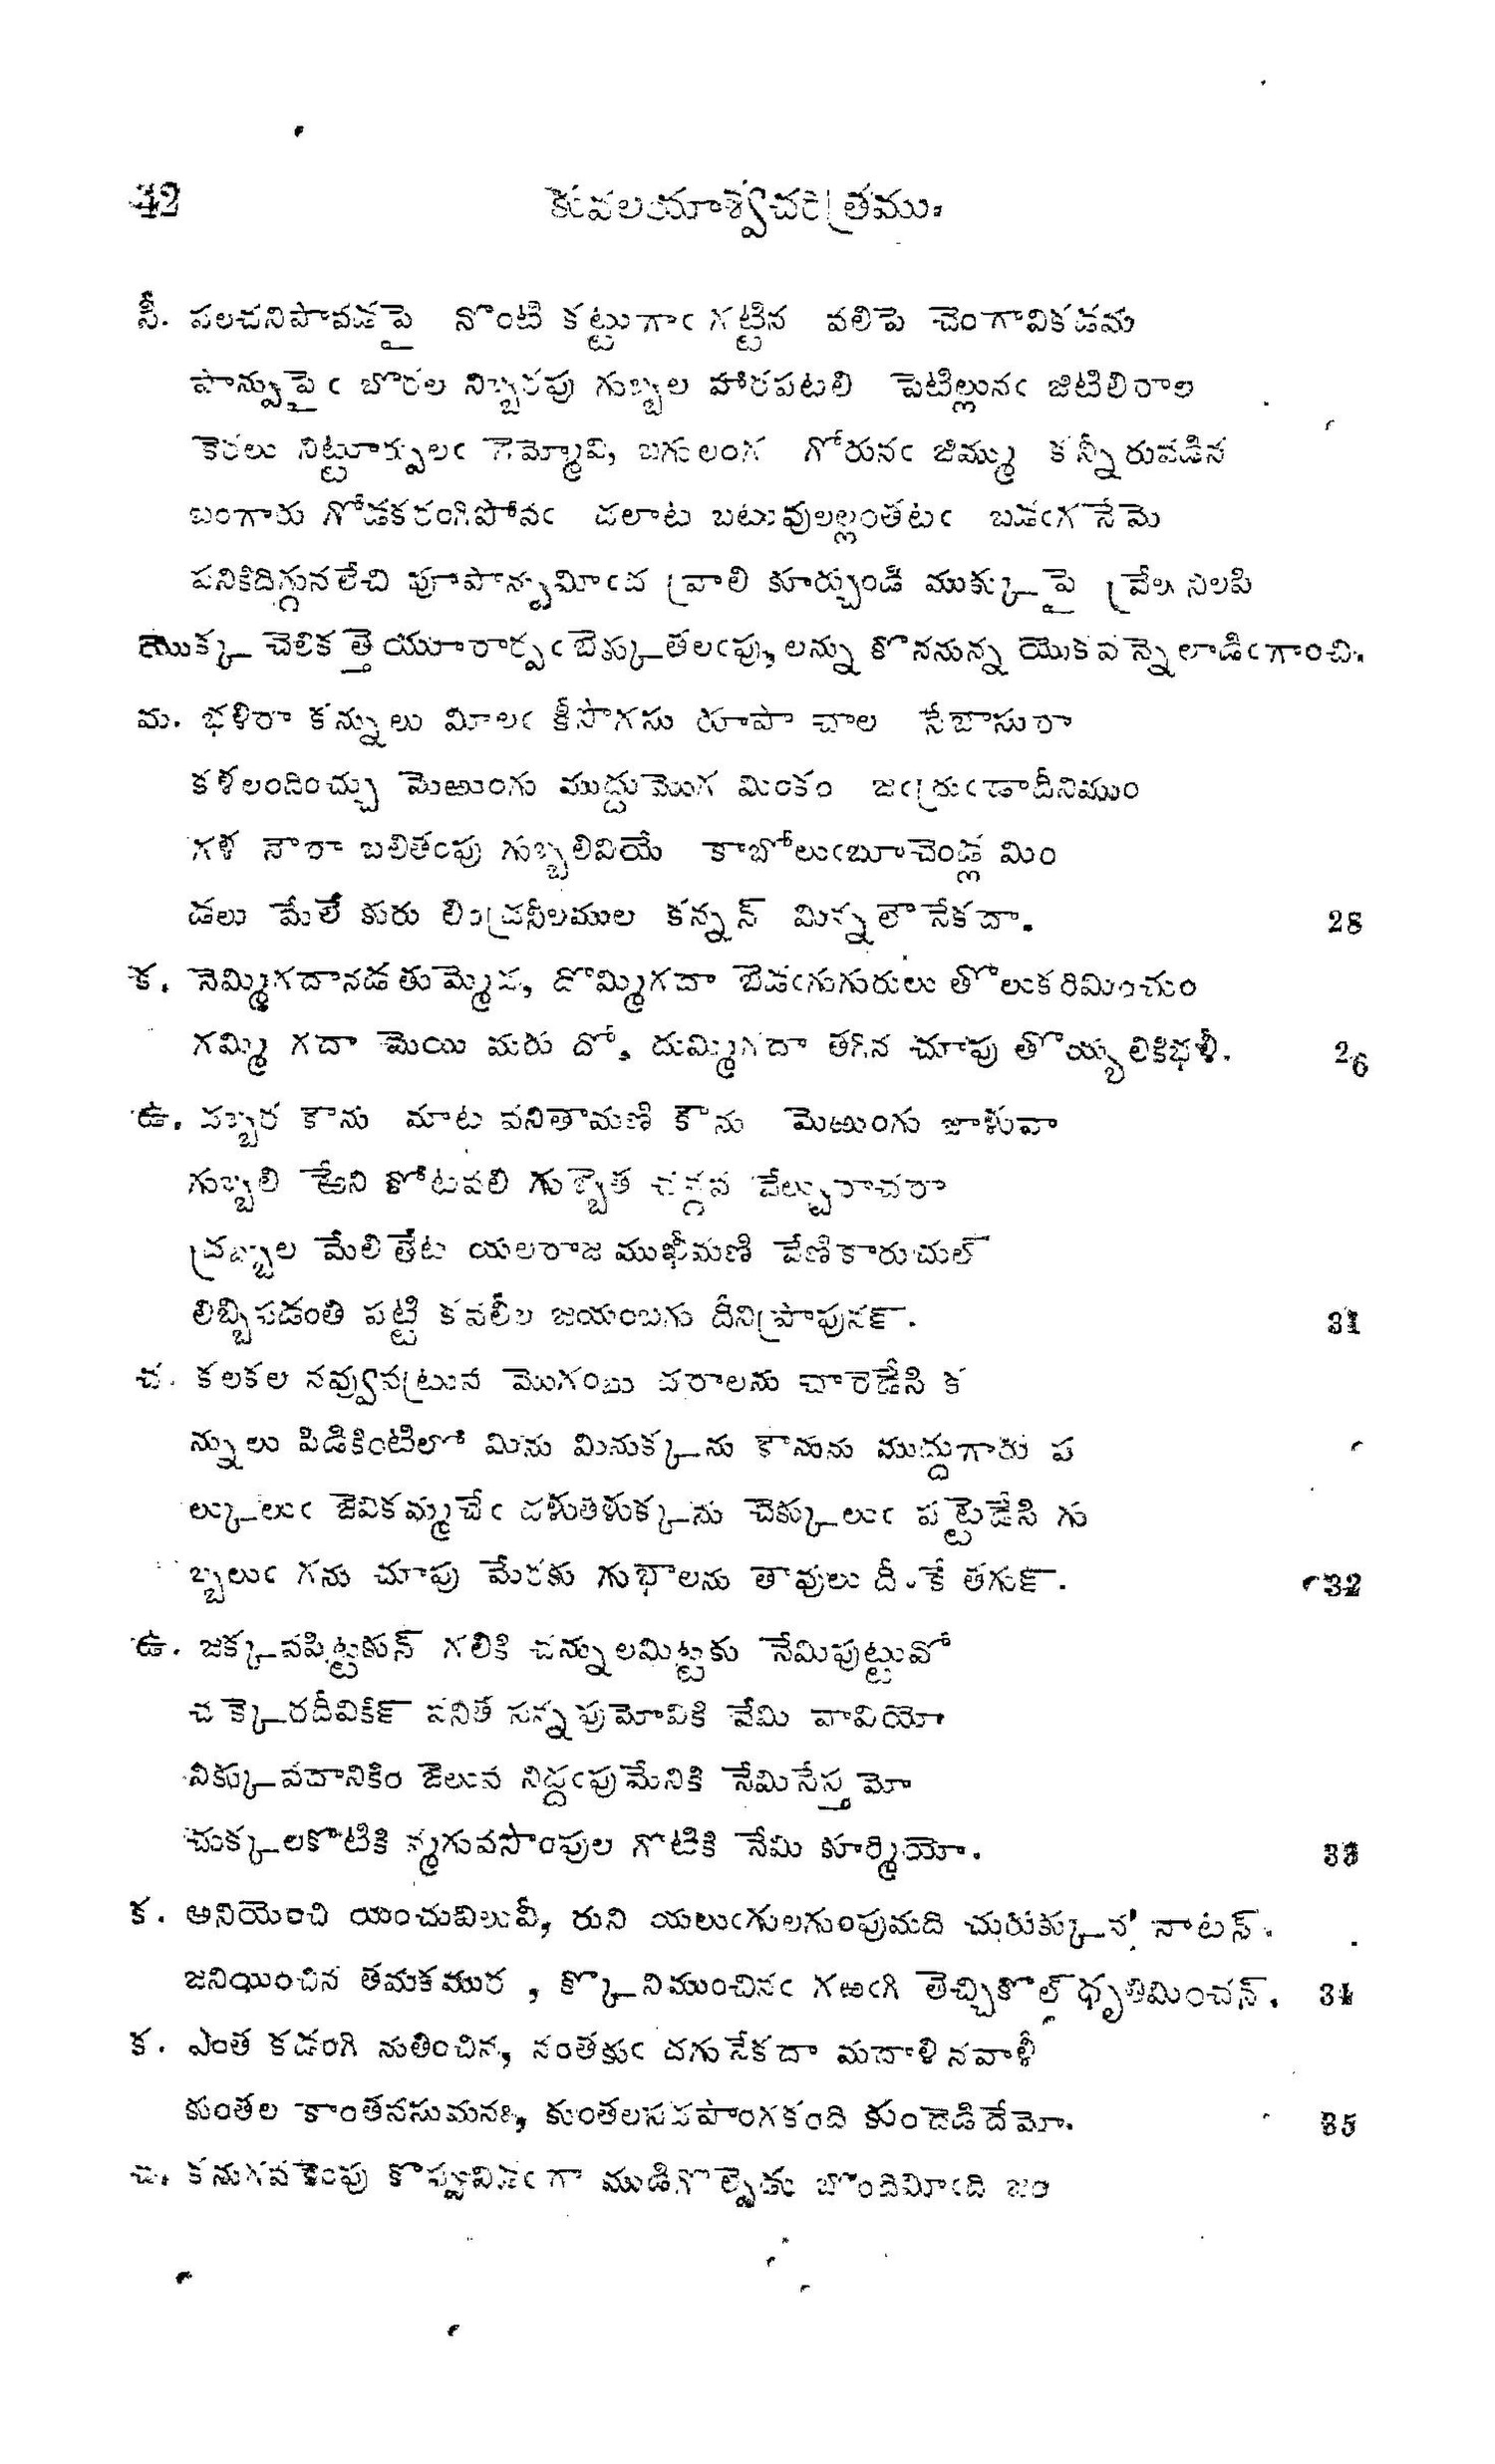సీ. పలచనిపావడపై నొంటికట్టుగాఁ గట్టిన వలిపె చెంగావికడమ
పాన్పుపైఁ బొరల నిబ్బరపు గుబ్బలహారపటలి పెటిల్లునఁ జిటిలి రాల
కెరలు నిట్టూర్పులఁ గెమ్మోవి బగులంగ గోరునఁ జిమ్ము కన్నీరు వడిన
బంగారుగోడ కరంగిపోవఁ దలాట బటువు లల్లంతటఁ బడఁగనేమొ
పనికి దిగ్గున లేచి పూపాన్పుమీఁద, వ్రాలి కూర్చుండి ముక్కుపై వ్రేలు నిలపి
యొక్కచెలికత్తె యూరార్పఁ బెక్కుతలఁపు, లన్నుకొననున్న యొకవన్నెలాడిఁ గాంచి.
మ. భళిరా కన్నులు మీలఁ కీసొగసు రూపా చాల సేబాసురా
కళలందించ్చు మెఱుంగు ముద్దుమొగ మింకం జంద్రుఁడా దీనిముం
గళ నౌరా బలితంపుగుబ్బ లివియే కాబోలుఁ బూచెండ్లమిం
డలు మేలే కురు లింద్రనీలములకన్నన్ మిన్న లౌనే కదా.
క. నెమ్మి గదా నడతుమ్మెద, దొమ్మి గదా బెడఁగుగురులు తొలుకరి మించుం
గమ్మి గదా మెయి మరు దో, దుమ్మి గదా తగినచూపు తొయ్యలికి భళీ.
ఉ. దబ్బరకౌను మాట వనితామణి కౌను మెఱుంగు జాళువా
గుబ్బలి ఱేని కోటవలి గుబ్బెత చన్గవ వేల్పురాచరా
ద్రబ్బల మేలితేట యలరాజముఖీమణి వేణికారుచుల్
లిబ్బిపడంతి పట్టి కనలీల జయంబగు దీని ప్రాపునన్.
చ. కలకల నవ్వు వట్రున మొగంబు చరాలను చారెడేసి క
న్నులు పిడికింటిలో మిను మినుక్కను కౌనును ముద్దుగారు ప
ల్కులుఁ జెవికమ్మచేఁ దళుతళుక్కను చెక్కులుఁ పట్టెడేసి గు
బ్బలుఁ గనుచూపుమేరకు గుభాలను తావులు దీనికే తగున్.
ఉ. జక్కవపిట్టకున్ గలికి చన్నులమిట్టకు నేమి పుట్టువో
చక్కెరదీవికిన్ వనిత సన్నపుమోవికి నేమి వావియో
నిక్కువచానికిం జెలున నిద్దఁపుమేనికి నేమి నేస్తమో
చుక్కలకోటికి న్మగువసొంపులగోటికి నేమి కూర్మియో.
క. అని యెంచి యంచువిలువీ, రుని యలుఁగులగుంపు మది చురుక్కున నాటన్
జనియించిన తమకము ర, క్కొనిముంచినఁ గఱఁగి తెచ్చికొల్ ధృతిమించన్.
క. ఎంత కడంగి నుతించిన, నంతకుఁ దగునేకదా మదాళి నవాళీ
కుంతలకాంతవసుమనః, కుంతలసదపాంగ కంది కుండెడిదేమో.
చ. కనుగవకెంపు కొప్పు విడఁగా ముడిగొల్పెడు బొందిమీఁది జం